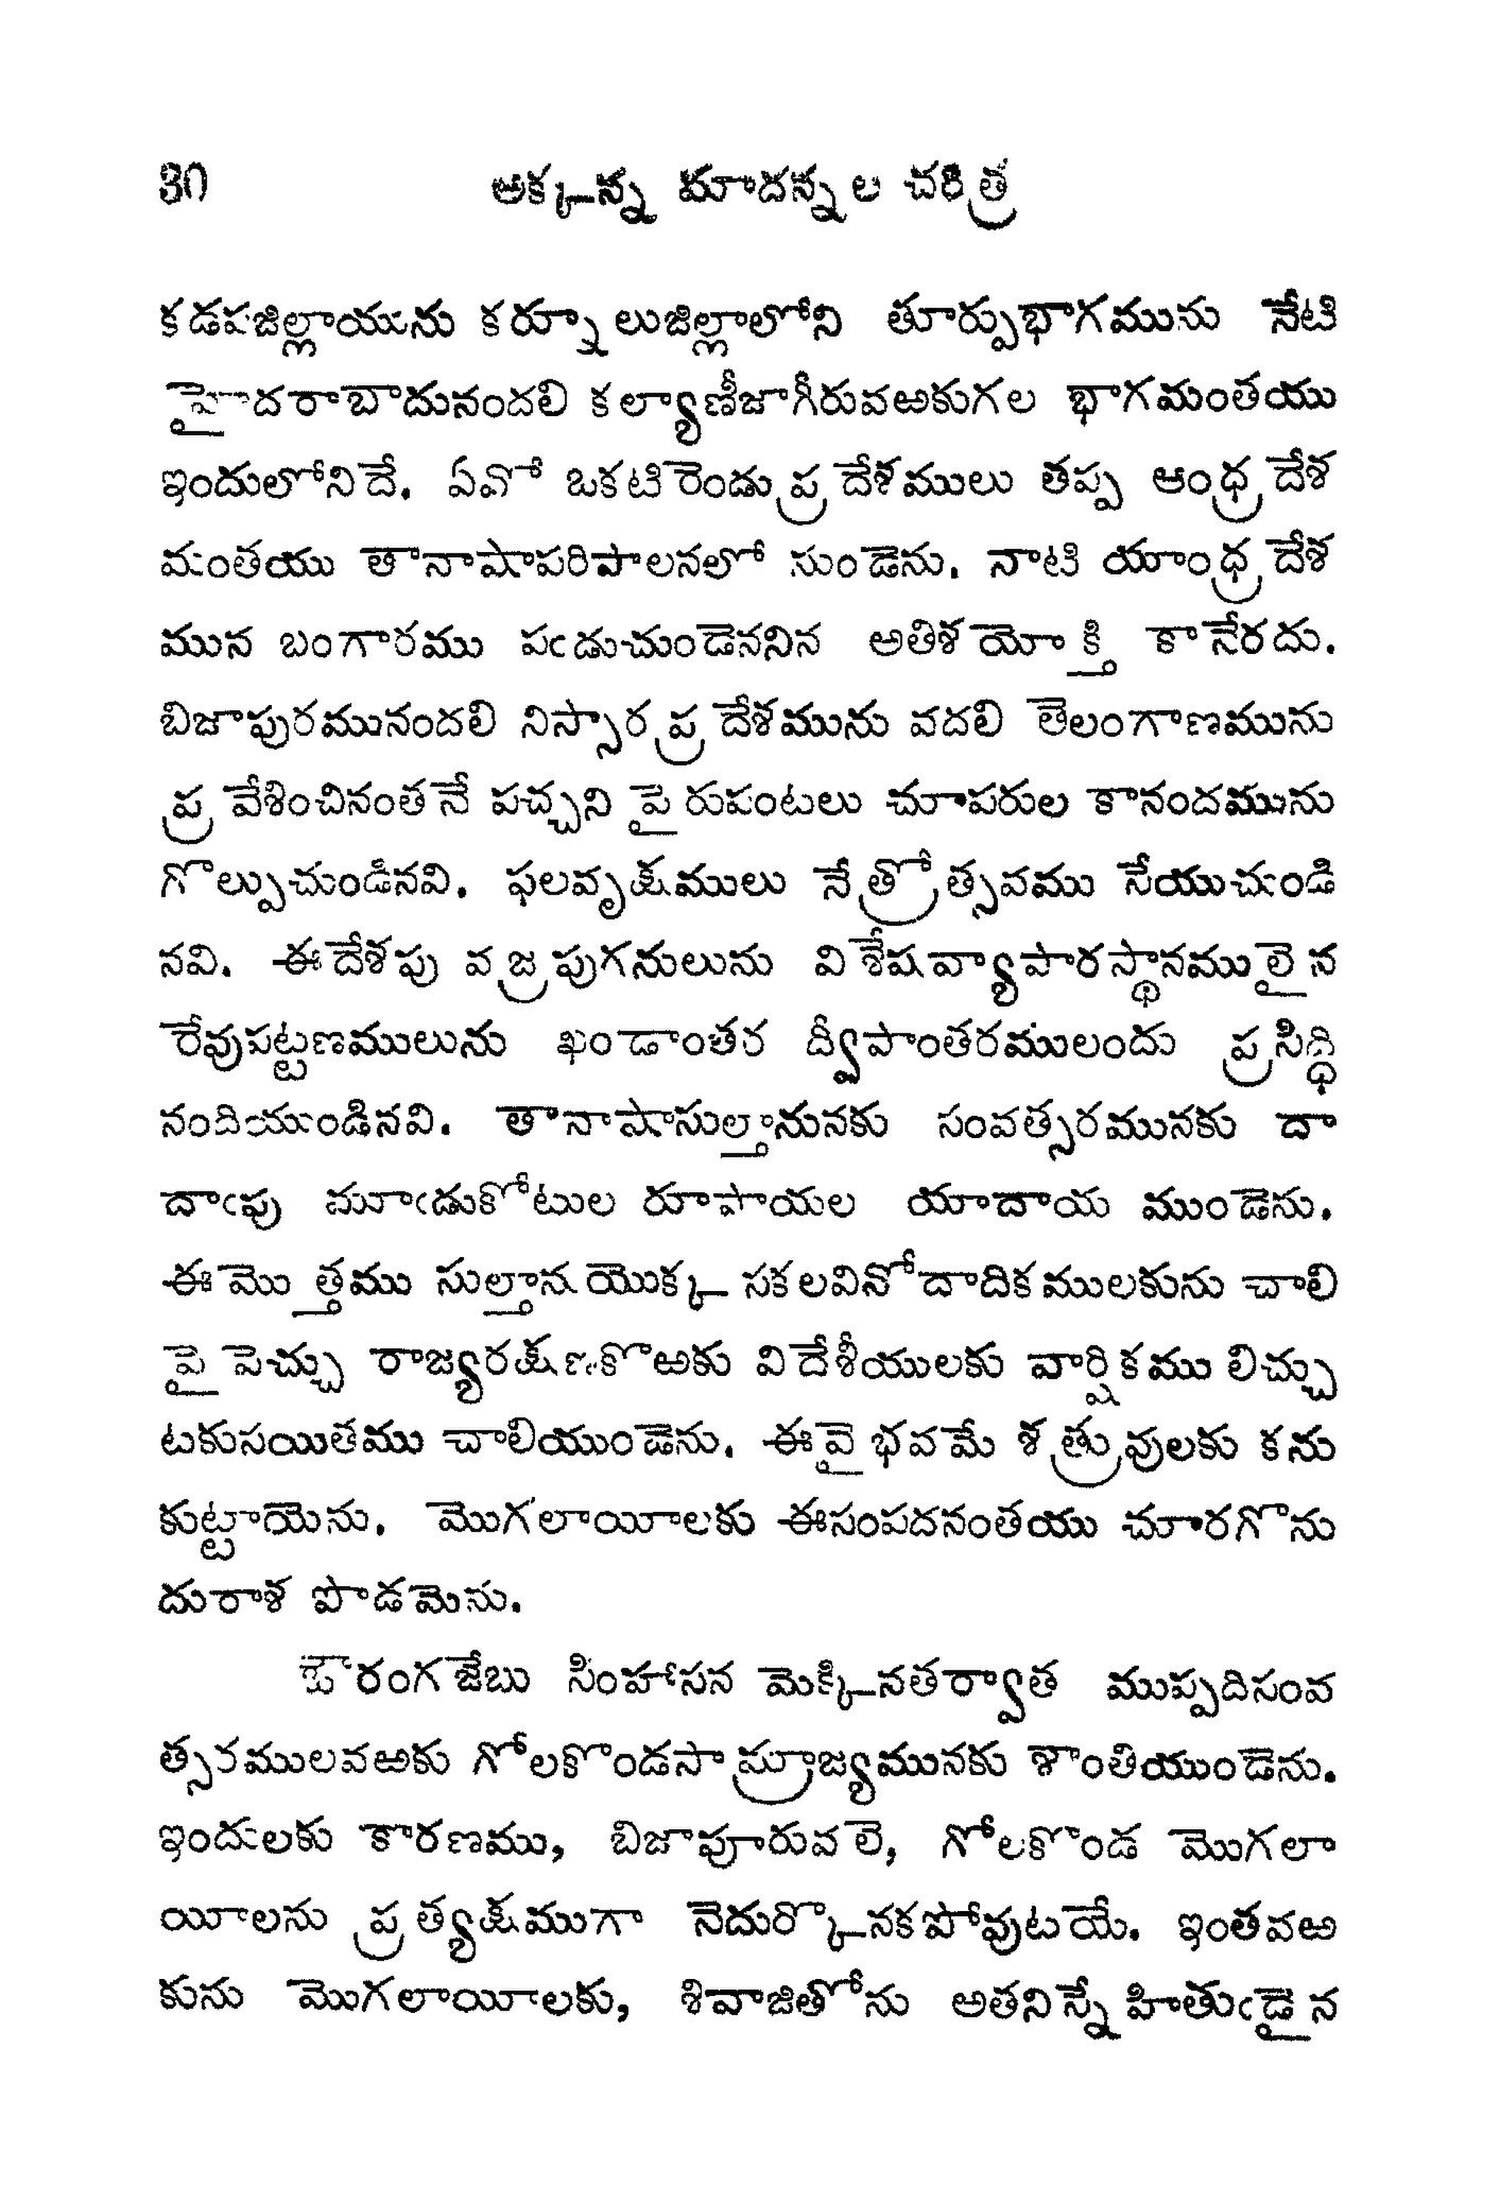కడపజిల్లాయును కర్నూలుజిల్లాలోని తూర్పుభాగమును నేటి హైదరాబాదునందలి కల్యాణీజాగీరువఱకుగల భాగమంతయు ఇందులోనిదే. ఏవో ఒకటిరెండుప్రదేశములు తప్ప ఆంధ్రదేశ మంతయు తానాషాపరిపాలనలో నుండెను. నాటి యాంధ్రదేశమున బంగారము పండుచుండెననిన అతిశయోక్తి కానేరదు. బిజాపురమునందలి నిస్సారప్రదేశమును వదలి తెలంగాణమును ప్రవేశించినంతనే పచ్చని పైరుపంటలు చూపరుల కానందమును గొల్పుచుండినవి. ఫలవృక్షములు నేత్రోత్సవము సేయుచుండినవి. ఈదేశపు వజ్రపుగనులును విశేషవ్యాపారస్థానములైన రేవుపట్టణములును ఖండాంతర ద్వీపాంతరములందు ప్రసిద్ధి నందియుండినవి. తానాషాసుల్తానునకు సంవత్సరమునకు దాదాఁపు మూఁడుకోటుల రూపాయల యాదాయ ముండెను. ఈమొత్తము సుల్తానుయొక్క సకలవినోదాదికములకును చాలి పై పెచ్చు రాజ్యరక్షణకొఱకు విదేశీయులకు వార్షికము లిచ్చుటకుసయితము చాలియుండెను. ఈవైభవమే శత్రువులకు కనుకుట్టాయెను. మొగలాయీలకు ఈసంపదనంతయు చూరగొను దురాశ పొడమెను,

ఔరంగజేబు సింహాసన మెక్కినతర్వాత ముప్పదిసంవత్సరములవఱకు గోలకొండసామ్రాజ్యమునకు శాంతియుండెను. ఇందులకు కారణము, బిజాపూరువలె, గోలకొండ మొగలాయీలను ప్రత్యక్షముగా నెదుర్కొనకపోవుటయే. ఇంతవఱకును మొగలాయీలకు, శివాజితోను అతనిస్నేహితుఁడైన